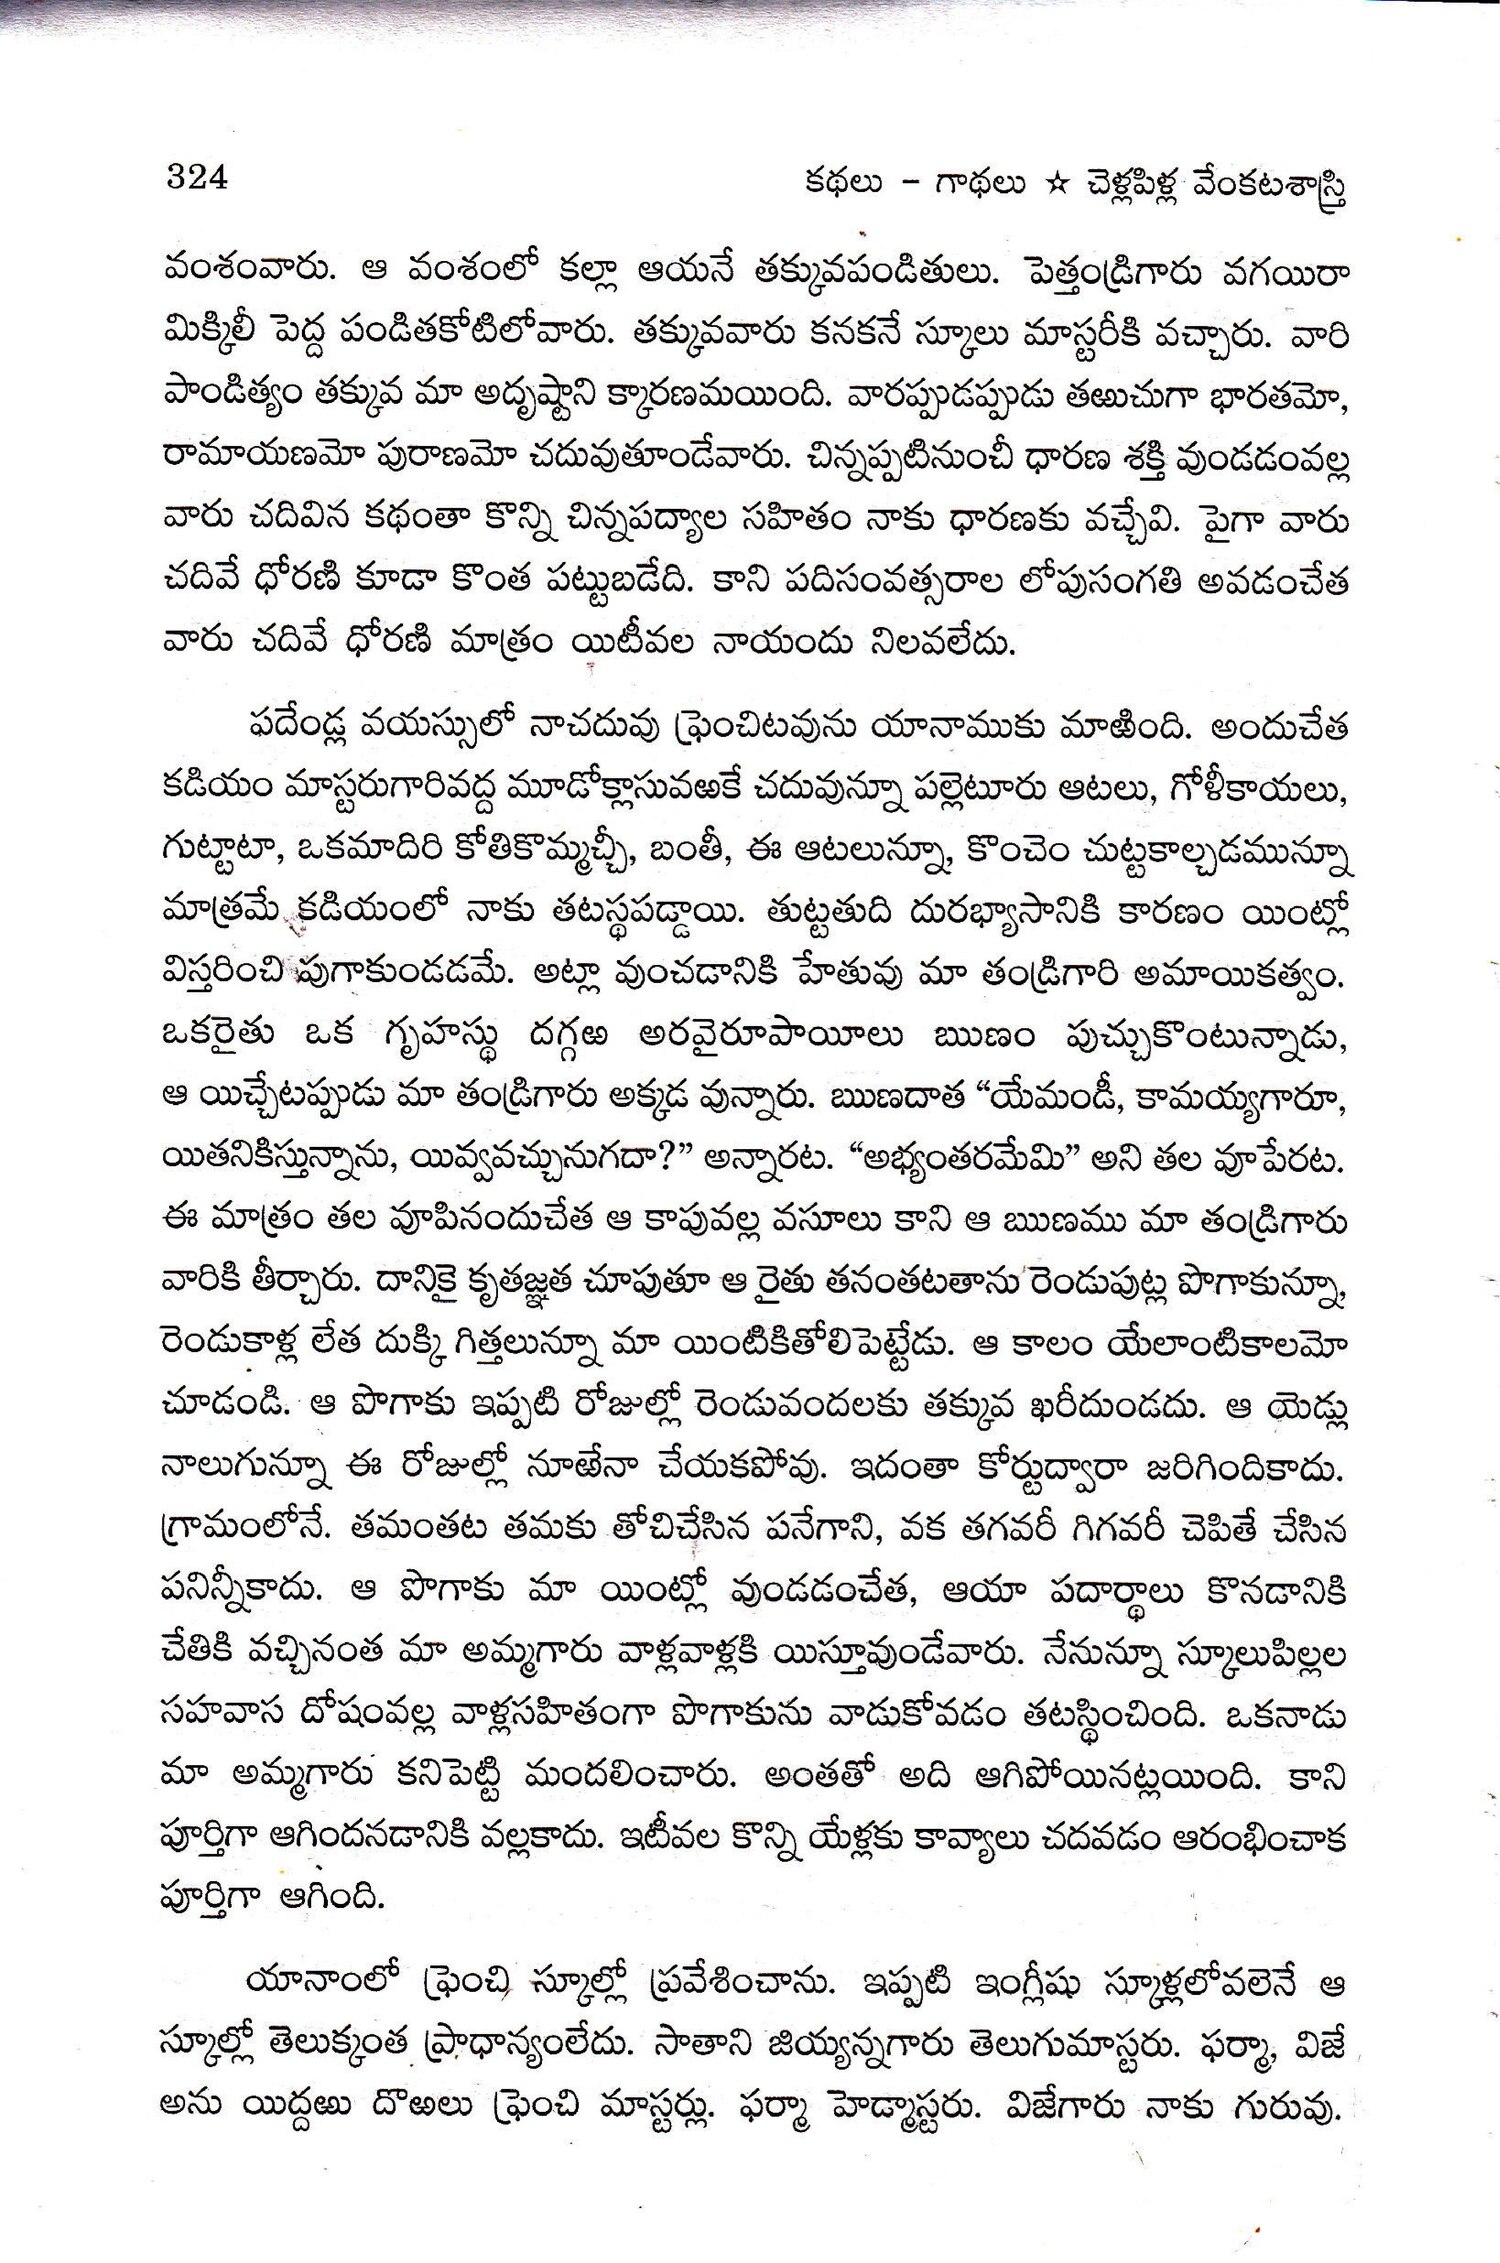వంశంవారు. ఆ వంశంలో కల్లా ఆయనే తక్కువపండితులు. పెత్తండ్రిగారు వగయిరా మిక్కిలీ పెద్ద పండితకోటిలోవారు. తక్కువవారు కనకనే స్కూలు మాస్టరీకి వచ్చారు. వారి పాండిత్యం తక్కువ మా అదృష్టాని క్కారణమయింది. వారప్పుడప్పుడు తఱుచుగా భారతమో, రామాయణమో పురాణమో చదువుతూండేవారు. చిన్నప్పటినుంచీ ధారణ శక్తి వుండడంవల్ల వారు చదివిన కథంతా కొన్ని చిన్నపద్యాల సహితం నాకు ధారణకు వచ్చేవి. పైగా వారు చదివే ధోరణి కూడా కొంత పట్టుబడేది. కాని పదిసంవత్సరాల లోపుసంగతి అవడంచేత వారు చదివే ధోరణి మాత్రం యిటీవల నాయందు నిలవలేదు.

పదేండ్ల వయస్సులో నాచదువు ఫ్రెంచిటవును యానాముకు మాఱింది. అందుచేత కడియం మాస్టరుగారివద్ద మూడోక్లాసువఱకే చదువున్నూపల్లెటూరు ఆటలు, గోళీకాయలు, గుట్టాటా, ఒకమాదిరి కోతికొమ్మచ్చీ, బంతీ, ఈ ఆటలున్నూ, కొంచెం చుట్టకాల్చడమున్నూ మాత్రమే కడియంలో నాకు తటస్థపడ్డాయి. తుట్టతుది దురభ్యాసానికి కారణం యింట్లో విస్తరించి పుగాకుండడమే. అట్లా వుంచడానికి హేతువు మా తండ్రిగారి అమాయికత్వం. ఒకరైతు ఒక గృహస్థు దగ్గఱ అరవైరూపాయీలు ఋణం పుచ్చుకొంటున్నాడు, ఆ యిచ్చేటప్పుడు మా తండ్రిగారు అక్కడ వున్నారు. ఋణదాత "యేమండీ, కామయ్యగారూ, యితనికిస్తున్నాను, యివ్వవచ్చునుగదా?" అన్నారట. “అభ్యంతరమేమి" అని తల వూపేరట. ఈ మాత్రం తల వూపినందుచేత ఆ కాపువల్ల వసూలు కాని ఆ ఋణము మా తండ్రిగారు వారికి తీర్చారు. దానికై కృతజ్ఞత చూపుతూ ఆ రైతు తనంతటతాను రెండుపుట్ల పొగాకున్నూ రెండుకాళ్ల లేత దుక్కి గిత్తలున్నూ మా యింటికితోలిపెట్టేడు. ఆ కాలం యేలాంటికాలమో చూడండి. ఆ పొగాకు ఇప్పటి రోజుల్లో రెండువందలకు తక్కువ ఖరీదుండదు. ఆ యెడ్లు నాలుగున్నూ ఈ రోజుల్లో నూఱేనా చేయకపోవు. ఇదంతా కోర్డుద్వారా జరిగిందికాదు. గ్రామంలోనే. తమంతట తమకు తోచిచేసిన పనేగాని, వక తగవరీ గిగవరీ చెపితే చేసిన పనిన్నీకాదు. ఆ పొగాకు మా యింట్లో వుండడంచేత, ఆయా పదార్థాలు కొనడానికి చేతికి వచ్చినంత మా అమ్మగారు వాళ్లవాళ్లకి యిస్తూవుండేవారు. నేనున్నూ స్కూలుపిల్లల సహవాస దోషంవల్ల వాళ్లసహితంగా పొగాకును వాడుకోవడం తటస్థించింది. ఒకనాడు మా అమ్మగారు కనిపెట్టి మందలించారు. అంతతో అది ఆగిపోయినట్లయింది. కాని పూర్తిగా ఆగిందనడానికి వల్లకాదు. ఇటీవల కొన్ని యేళ్లకు కావ్యాలు చదవడం ఆరంభించాక పూర్తిగా ఆగింది.

యానాంలో ఫ్రెంచి స్కూల్లో ప్రవేశించాను. ఇప్పటి ఇంగ్లీషు స్కూళ్లలోవలెనే ఆ స్కూల్లో తెలుక్కంత ప్రాధాన్యంలేదు. సాతాని జియ్యన్నగారు తెలుగుమాస్టరు. ఫర్మా, విజే అను యిద్దఱు దొఱలు ఫ్రెంచి మాస్టర్లు. ఫర్మా హెడ్మాస్టరు. విజేగారు నాకు గురువు.